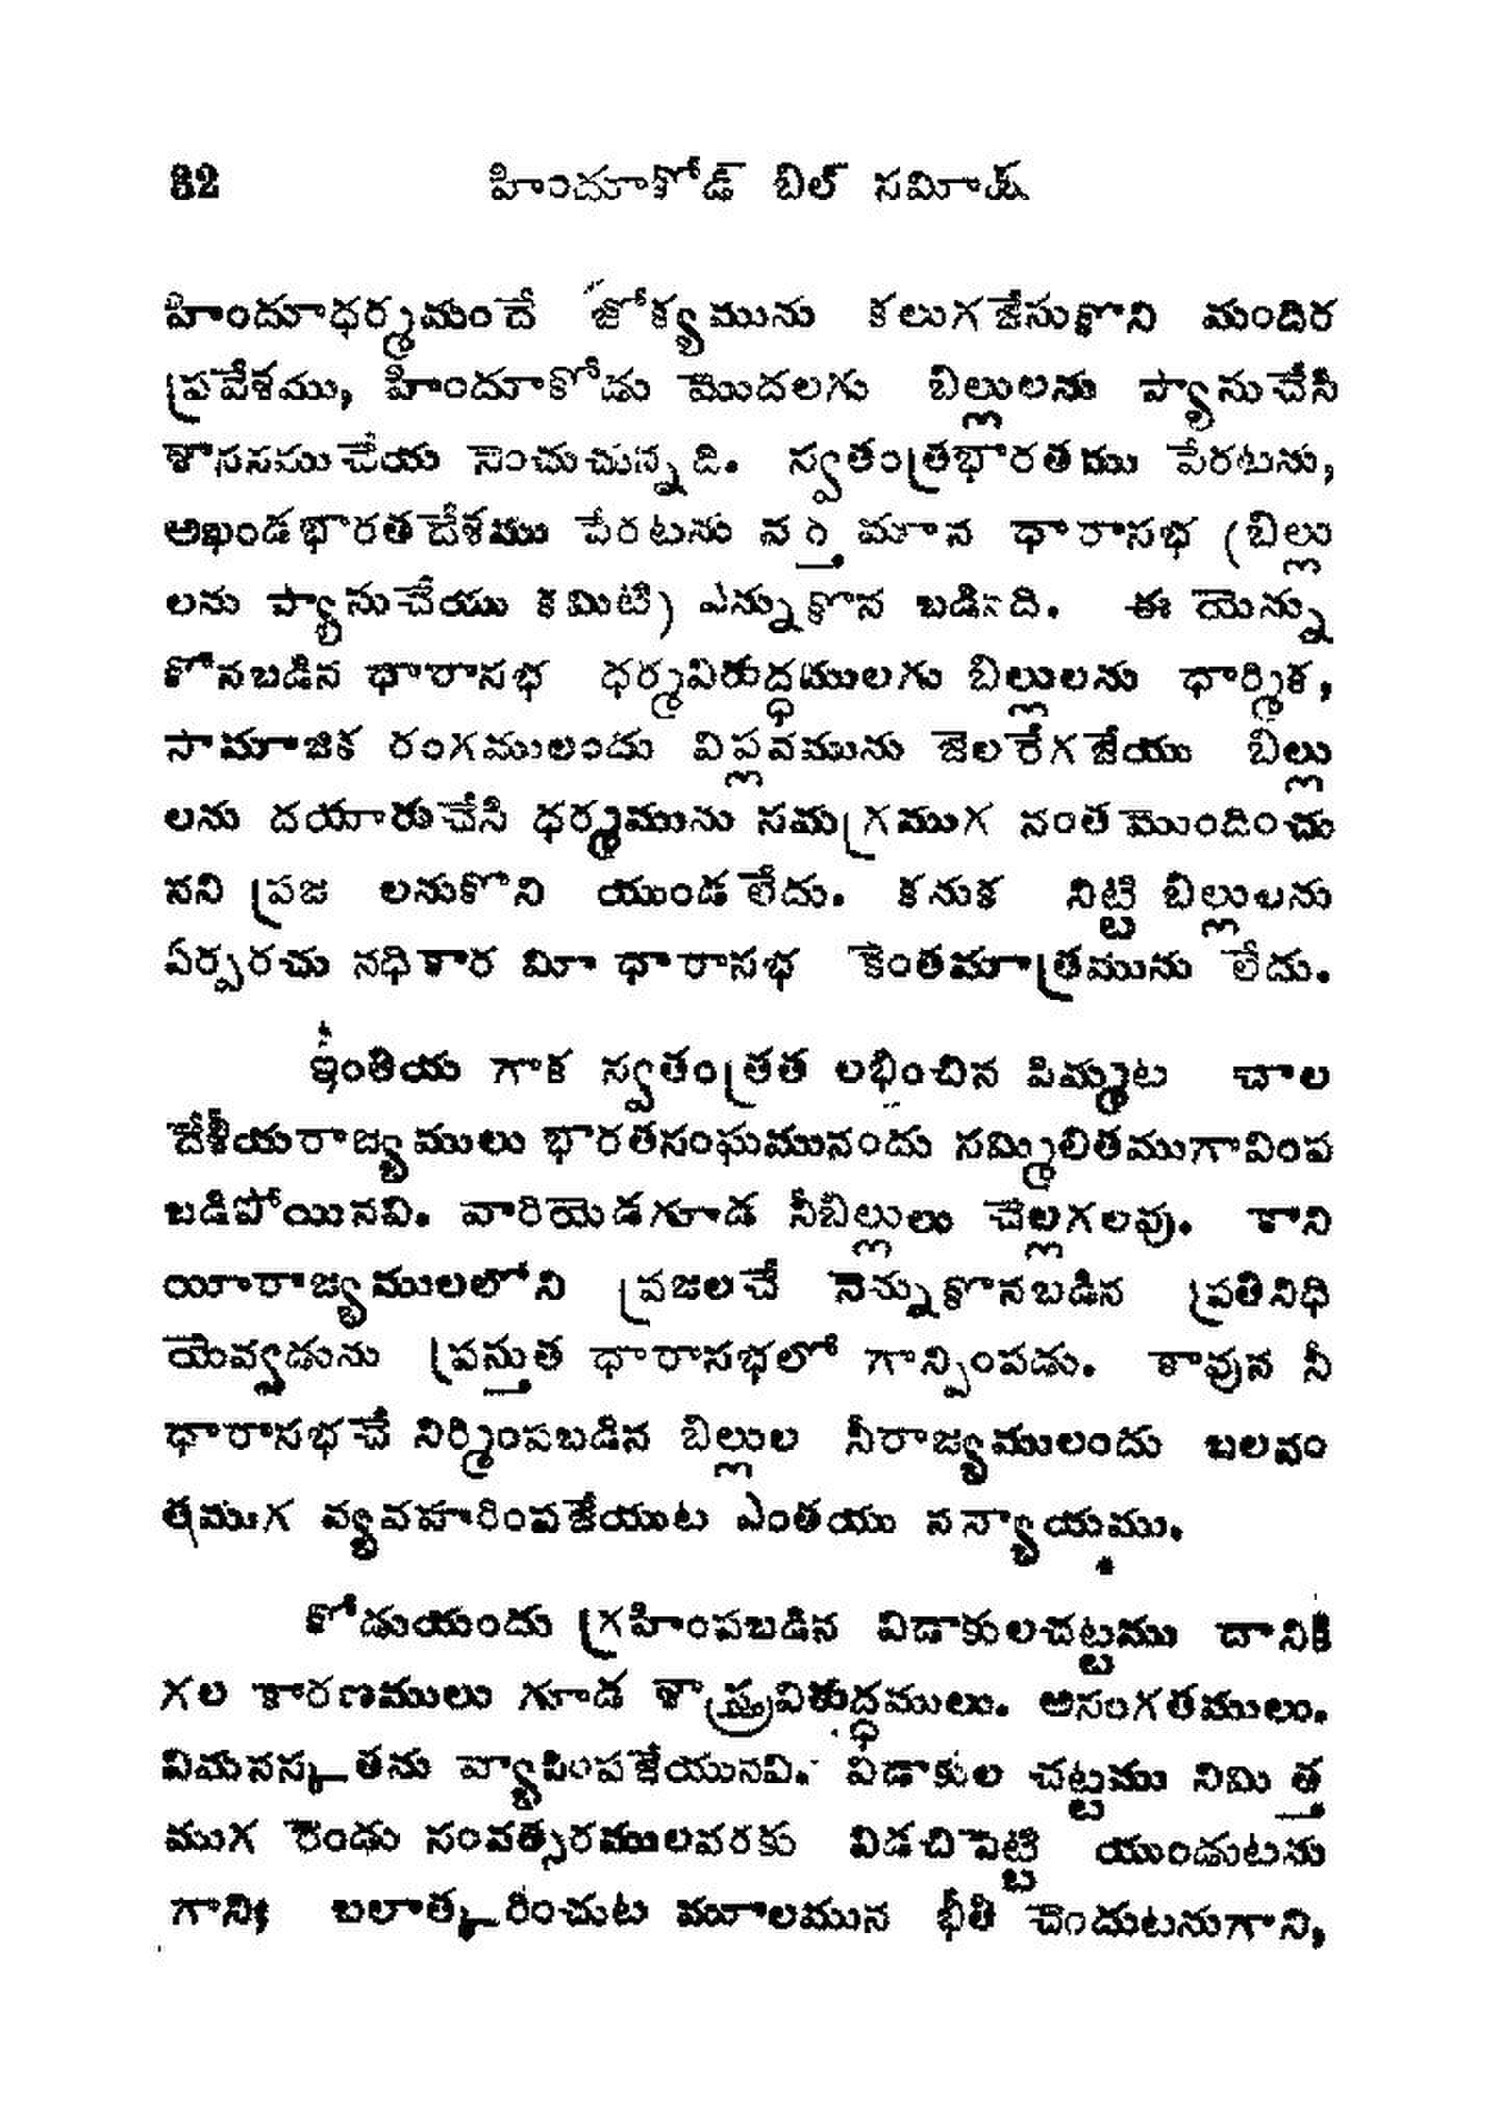హిందూధర్మమందే జోక్యమును కలుగజేసుకొని మందిర
ప్రవేశము, హిందూకోడు మొదలగు బిల్లులను ప్యాసు చేసి
శాసనము చేయ నెంచుచున్నది. స్వతంత్రభారతము పేరటను,
అఖండభారత దేశము పేరటను వర్తమాన ధారాసభ (బిల్లు
లను ప్యాసుచేయు కమిటీ) ఎన్నుకొనబడినది.
ఈ యెన్నుకొనబడిన ధారాసభ ధర్మవిరుద్ధములగు బిల్లులను ధార్మిక,
సామాజిక రంగములందు విప్లవమును జెలరేగజేయు బిల్లు 
లనుదయారుచేసి ధర్మమును సమగ్రముగ నంత మొందించు
నని ప్రజ లనుకొని యుండలేదు. కనుక నిట్టి బిల్లులను
ఏర్పరచు నధికార మీ ధారాసభ కెంతమాత్రమును లేదు.

ఇంతియ గాక స్వతంత్రత లభించిన పిమ్మట చాల
దేశీయరాజ్యములు భారతసంఘమునందు సమ్మిలితముగావింప
బడిపోయినవి. వారియెడగూడ నీబిల్లులు చెల్లగలవు. కాని
యీరాజ్యములలోని ప్రజలచే నెన్నుకొనబడిన ప్రతినిధి
యెవ్వడును ప్రస్తుత ధారాసభలో గాన్పింపడు. కావున నీ
ధారాసభచే నిర్మింపబడిన బిల్లుల నీరాజ్యములందు బలవం
తముగ వ్యవహరింపజేయుట ఎంతయు నన్యాయము.

కోడుయందు గ్రహింపబడిన విడాకుల చట్టము దానికి
గల కారణములు గూడ శాస్త్రవిరుద్ధములు. అసంగతములు.
విమనస్కతను వ్యాపింపజేయునవి. విడాకుల చట్టము నిమిత్త
ముగ రెండు సంవత్సరములవరకు విడచిపెట్టి యుండుటను
గానికి బలాత్కరించుట మూలమున భీతి చెందుటనుగాని,